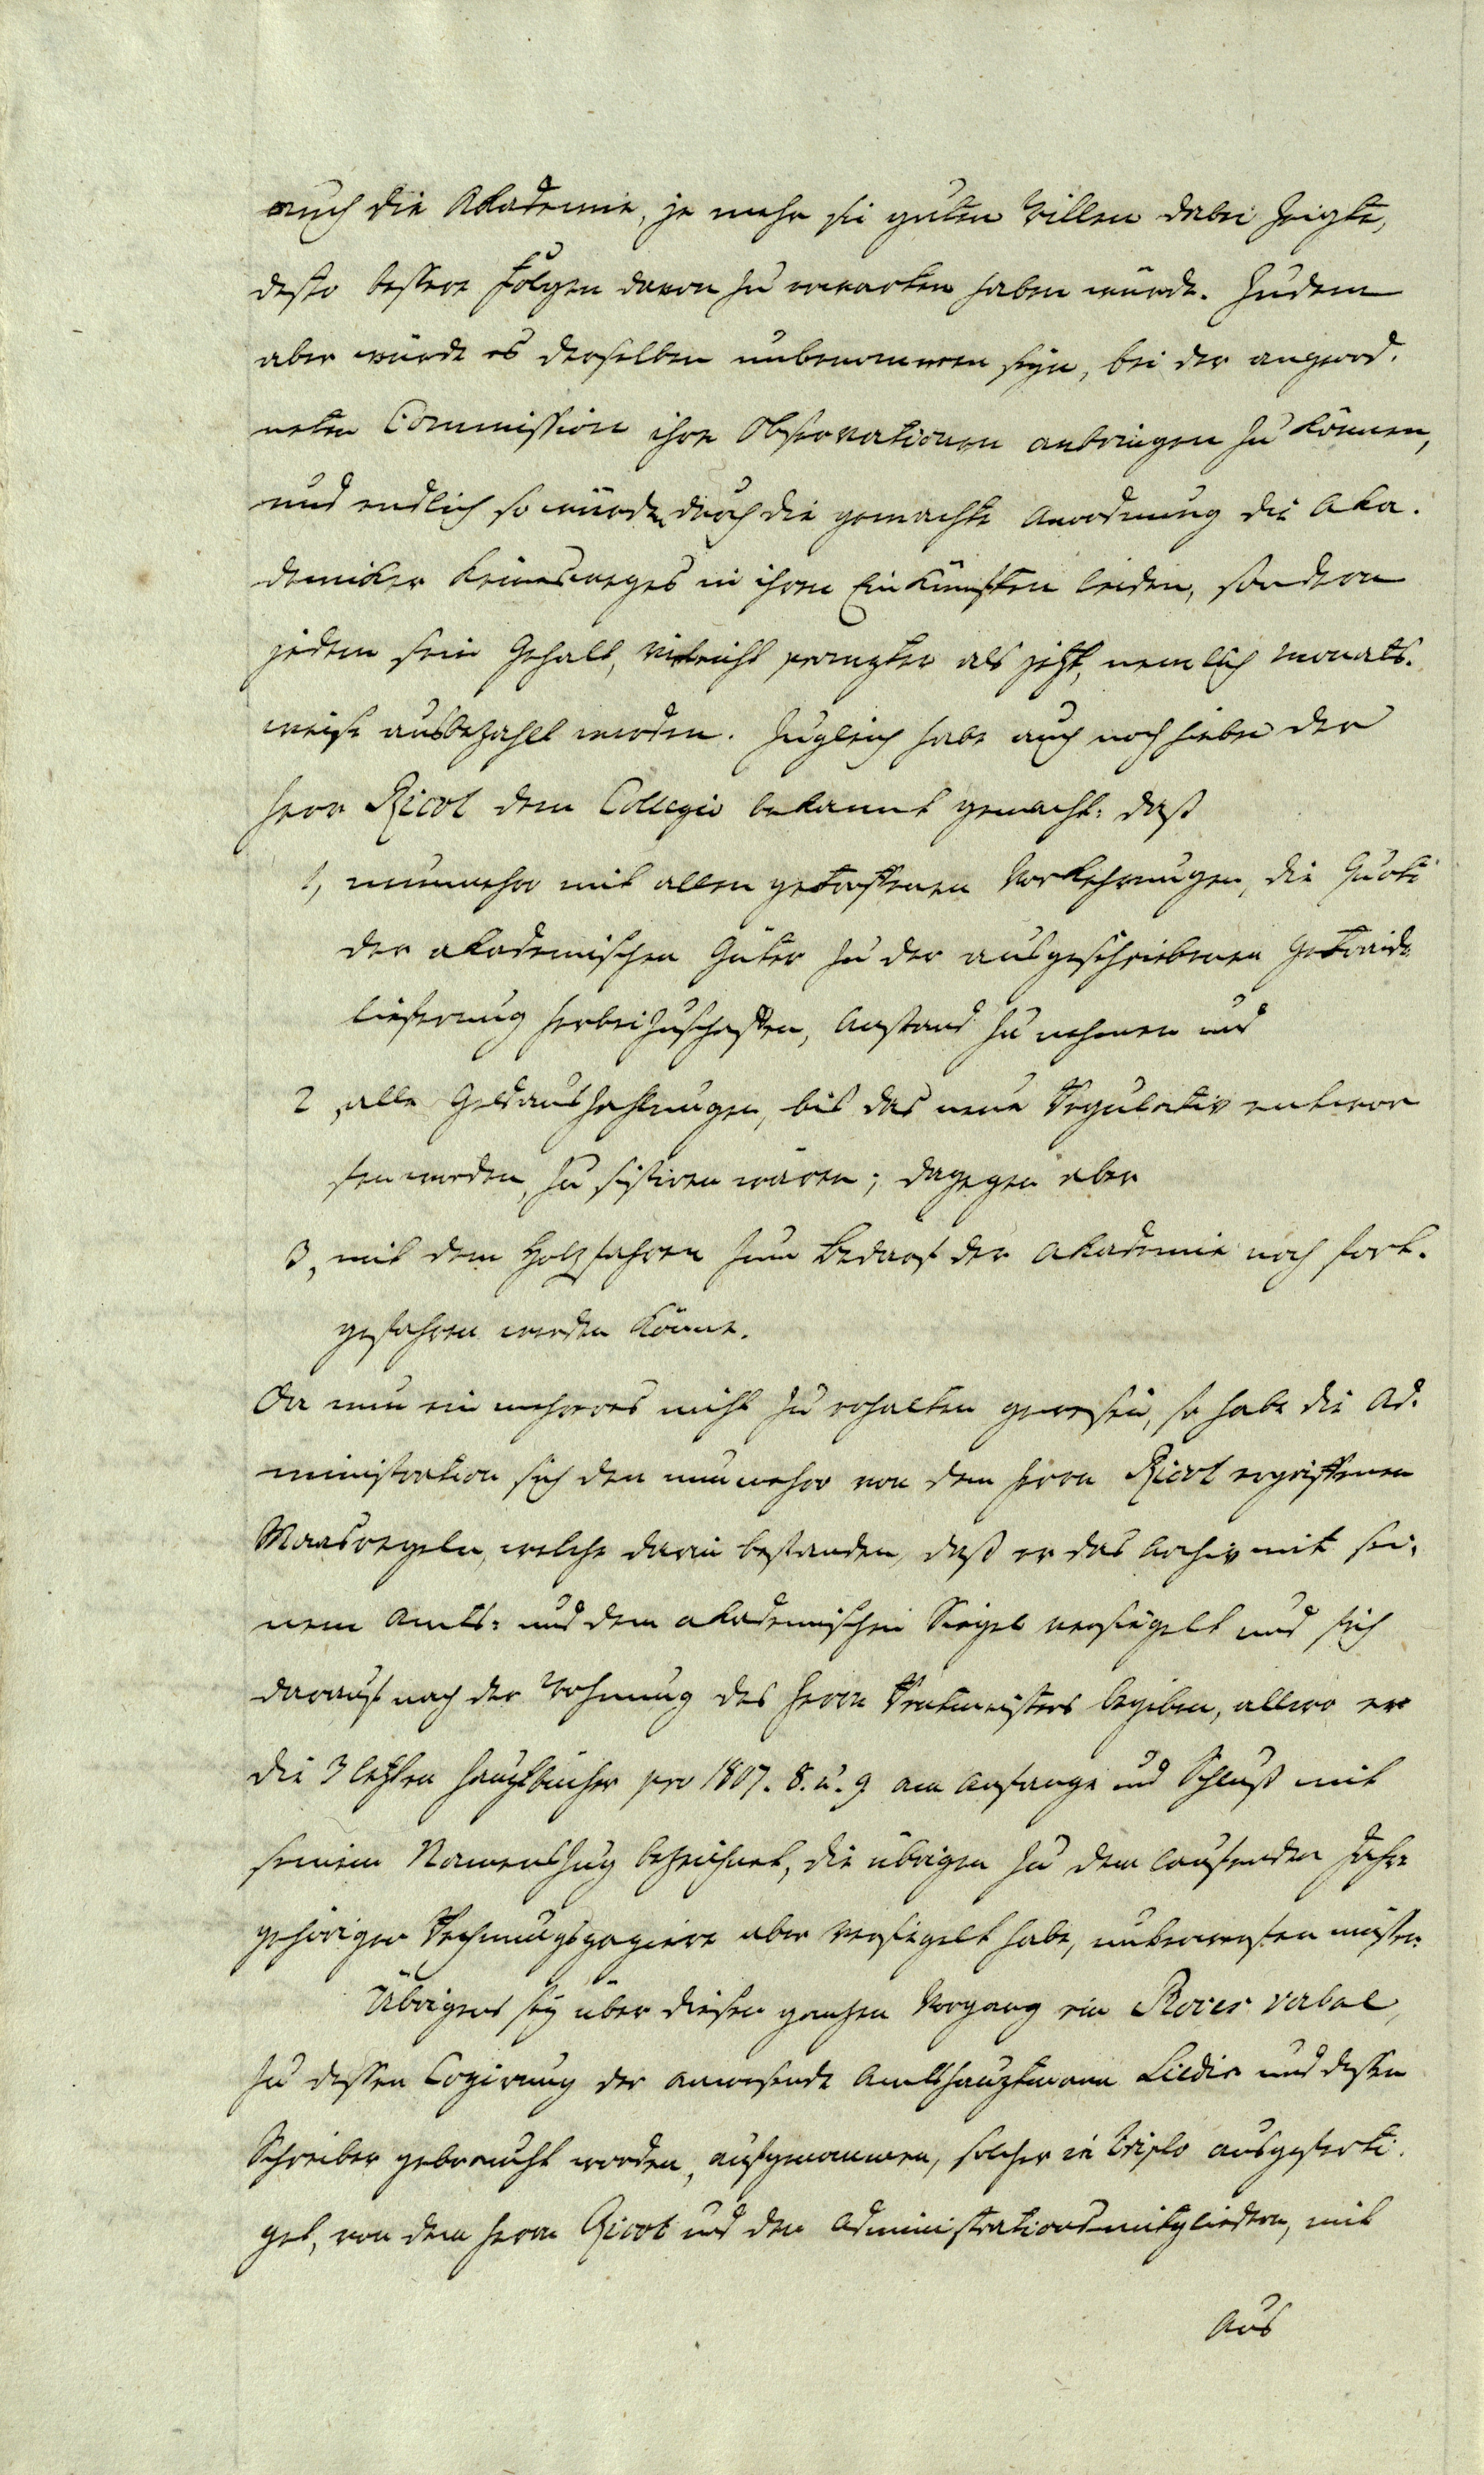auch die Akademie, je mehr sie guten Willen dabei zeigte,
diesto bessere Folgen davon zu erwarten haben würde. Zudem
aber würde es derselben unbenommen seÿn, bei der angeord¬
neten Commission ihre Observationen anbringen zu können,
und endlich so würden durch die gemachte Anordnung die Aka¬
demiker keinesweges in ihren Einkünften leiden, sondern
jedem sein Gehalt, vieleicht prompter als jetzt, nemlich Monats¬
weise ausbezahlt werden. Zugleich habe auch noch hiebei der
Herr Ricot dem Collegio bekannt gemacht, daß
1, nunmehro mit allen getroffenen Vorkehrungen, die Quoti
der akademischen Güter zu der ausgeschriebenen Getreide¬
lieferung herbei zuschaffen, Anstand zu nehmen und
2, alle Geldauszahlungen, bis das neue Regulativ entwor¬
fen worden, zu sistiren wären; dagegen aber
3, mit dem Holzfahren zum Bedarf der Akademie noch fort¬
gefahren werden könne.
Da nun ein mehreres nicht zu erhalten gewesen, so habe die Ad¬
ministration sich den nunmehro von dem Herrn Ricot ergriffenen
Maasregeln, welche darin bestanden, daß er das Archiv mit sei¬
nem Amts- und dem akademischen Siegel versiegelt und sich
darauf nach der Wohnung des Herrn Rentmeisters begeben, allwo er
die 3 letzten Hauptbücher pro 1807. 8. u. 9. am Anfange und Schluß mit
seinem Namenszug bezeichnet, die übrigen zu dem laufenden Jahre
gehörigen Rechnungspapiere aber versiegelt habe, unterwerfen müssen.
Übrigens seÿ über diesen ganzen Vorgang ein Proces verbal
zu dessen Copirung der Anwesende Amtshauptmann Liedin und dessen
Schreiber gebraucht worden, aufgenommen, solcher in triplo ausgeferti¬
get, von dem Herrn Ricot und den Administrationsmitgliedern, mit
Aus